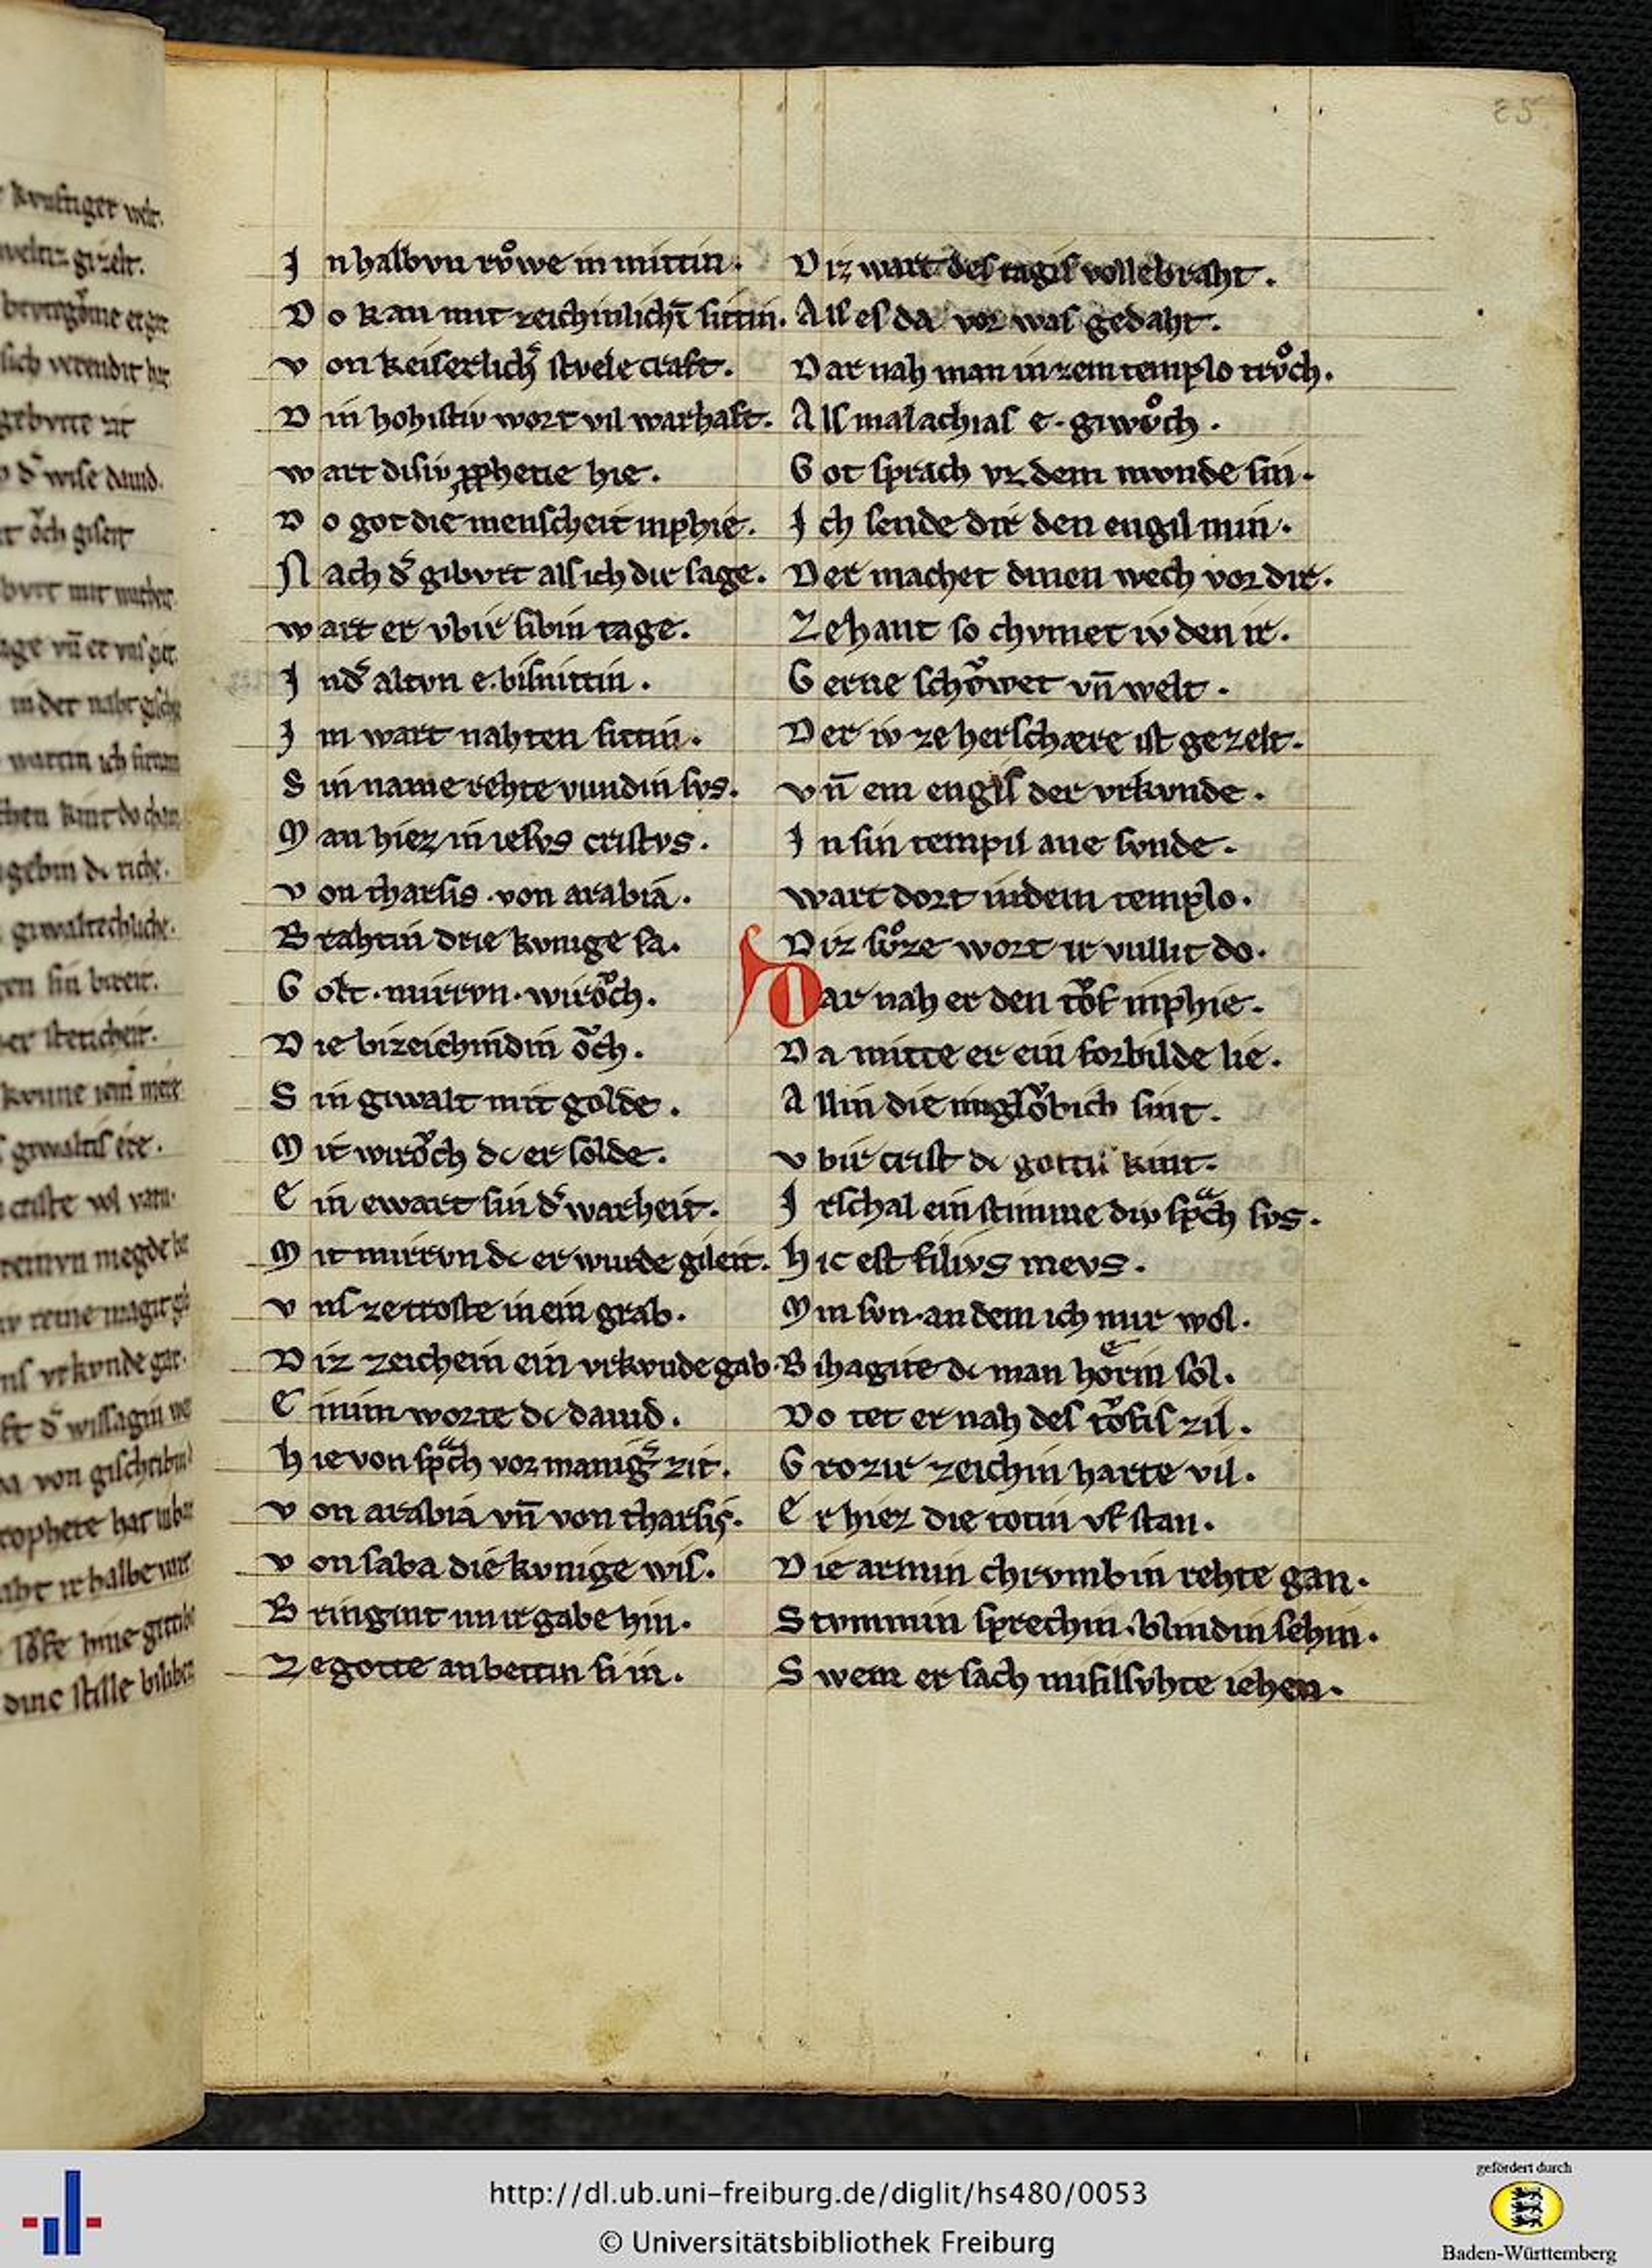In halbvn rv°owe in mittin.
Do kan mit zeichinlichi(n) ſittin.
Von keiſerlich(er) ſtvele craft.
Din hohiſtiv wort vil warhaft.
Wart diſiv ?pphetie hie.
Do got die menſcheit inphie.
Nach d(er) gibvrt alſ ich dir ſage.
Wart er vbir ſibin tage.
Ind(er) altvn e. biſnittin.
Im wart nahten ſittin.
Sin name rehte vundin ſvs.
Man hiez in ieſvs criſtvs.
Von tharſis. von arabia.
Brahtin drie kvnige ſa.
Golt. mirrvn. wiro°vch.
Die bizeichindin o°vch.
Sin giwalt mit golde.
Mit wiro°vch d(az) er ſolde.
Ein ewart ſin d(er) warheit.
Mit mirrvn d(az) er wurde gileit.
Vnſ zetroſte in ein grab.
Diz zeichein ein vrkvnde gab.
Einim worte d(az) dauid.
Hie von ſp(ra)ch vor manig(er) zit.
Von arabia vn(d) von tharſis.
Von ſaba die kvnige wiſ.
Bringint im ir gabe hin.
Ze gotte an bettin ſi in.
Diz wart deſ tagiſ vollebraht.
Alſ eſ da vor waſ gedaht.
Dar nah man in zem templo trv°och.
Alſ malachiaſ e. giwv°och.
Got ſprach vz dem mvnde ſin.
Ich ſende dir den engil min.
Der machet dinen wech vor dir.
Zehant ſo chvmet iv den ir.
Gerne ſcho°vwet vn(d) welt.
Der iv ze herſch[ae]re iſt gezelt.
Vn(d) ein engiſ der vrkvnde.
In ſin tempil ane ſvnde.
wart dort indein templo.
Diz ſv°oze wort ir vullit do.
*Dar nah er den to°vf inphie.
Da mitte er ein forbilde lie.
Allin die imglo°vbich ſint.
Vbir criſt d(az) gottiſ kint.
Irſchal ein ſtimme div ſp(ra)ch ſvs.
Hic eſt filivs mevs.
Min ſvn. an dem ich mir wol.
Bihagite d(az) man ho°erin ſol.
Do tet er nah deſ to°vfiſ zil.
Grozir zeichin harte vil.
Er hiez die totin vf ſtan.
Die armin chrvmbin rehte gan.
Stvmmin ſprechin. blindin ſehin.
Swem er ſach miſilſvhte iehen.